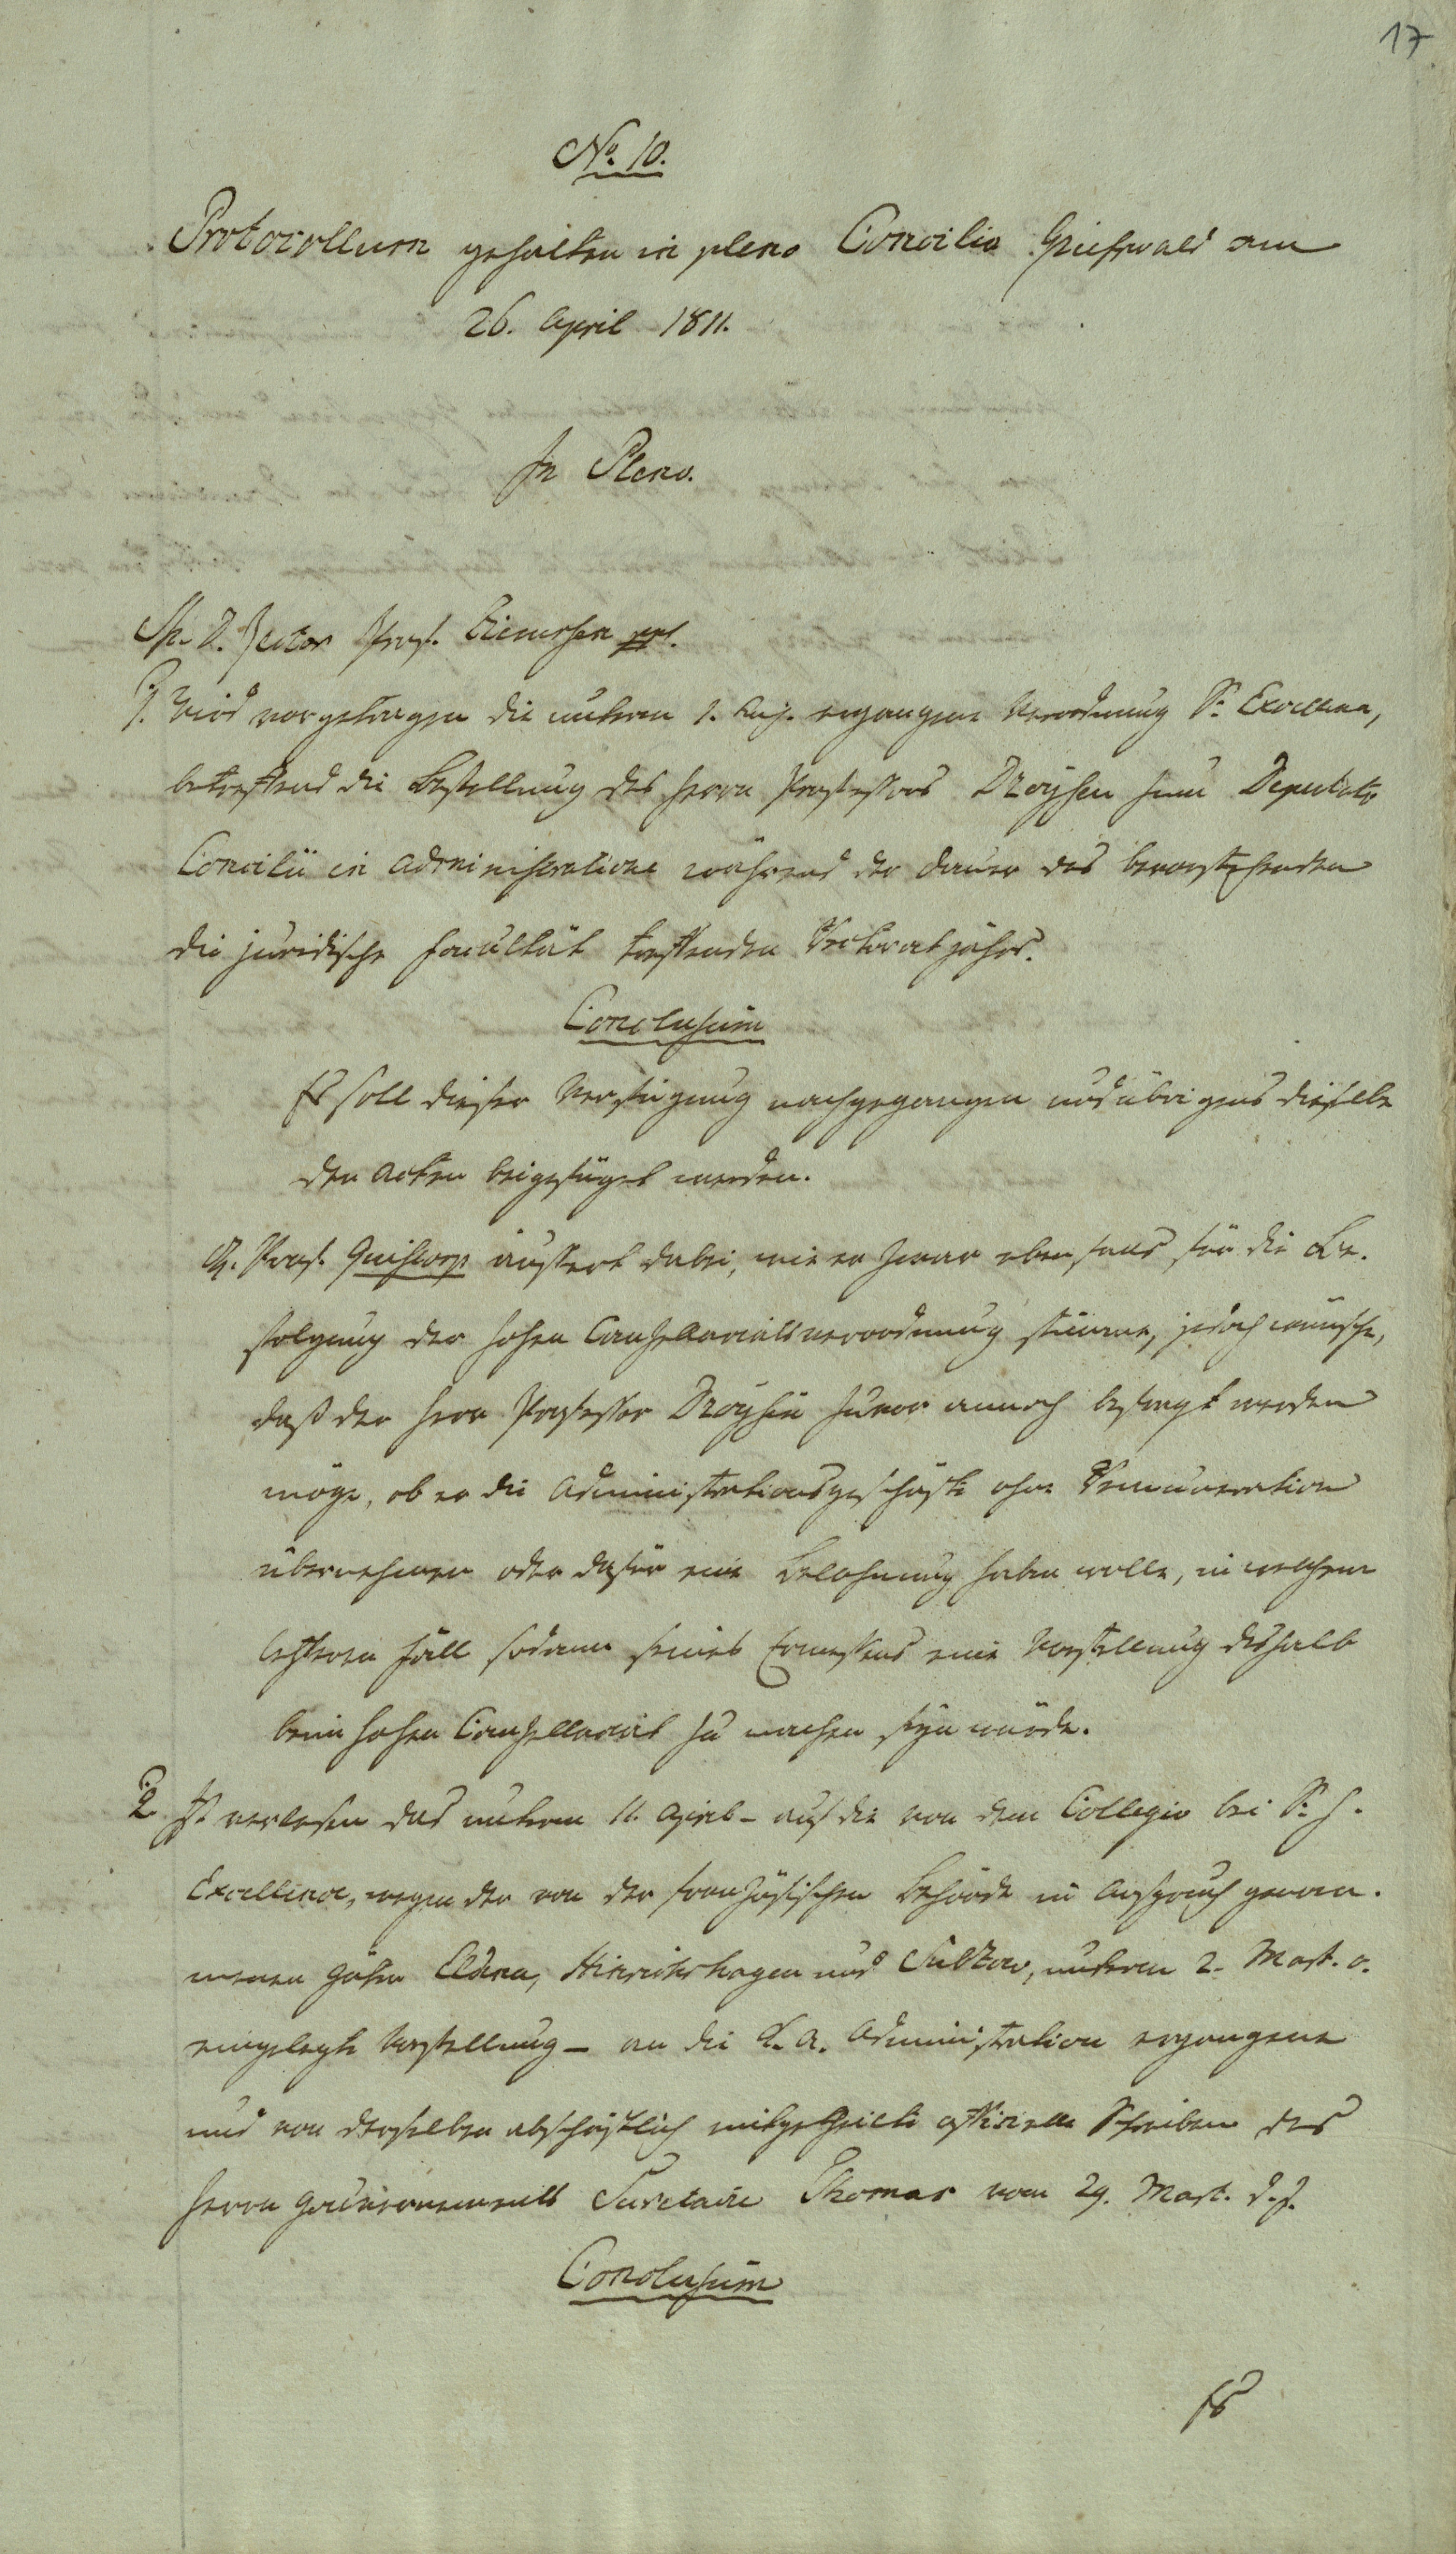Nº 10.
Protocollum gehalten in pleno Concilio. Greifswald am
26. April 1811.
In Pleno.
M. D. Rector Prof. Ziemssen ppt.
1. Wird vorgetragen die unterm 1. huj. eingegangene Verordnung Sr. Excellence,
betreffend die Bestellung des Herrn Professors Droÿsen zum Deputato
Concilii in Administratione während der Dauer des bevorstehenden
die juridische Facultät betreffenden Rectoratjahrs.
Conclusum
Es soll dieser Verfügung nachgegangen und übrigens dieselbe
den Acten beigefüget werden.
dh. Prof. Quistorp äussert dabei, wie er zwar ebenfalls für die Be¬
folgung der hohen Canzellariatsverordnung stimme, jedoch wünsche,
daß der Herr Professor Droÿsen zuvor annoch befragt werden
möge, ob er die Administrationsgeschäfte ohne Remuneration
übernehmen oder dafür eine Belohnung haben wolle, in welchem
letzteren Fall sodann seines Ermessens eine Vorstellung deshalb
beim hohen Canzellariat zu machen seÿn würde.
2. Ist verlesen das unterm 11. April auf die von dem Collegio bei Sr. h.
Excellence, wegen der von der französischen Behörde in Anspruch genom¬
menen Güter Eldena, Hinrichshagen und Subzow, unterm 2. Mart. c.
eingelegte Vorstellung an die K. A. Administration ergangene
und von derselben abschriftlich mitgetheilte officielle Schreiben des
Herrn Gouvernements Secretaire Thomas vom 29. Mart. d. J.
Conclusum
Es